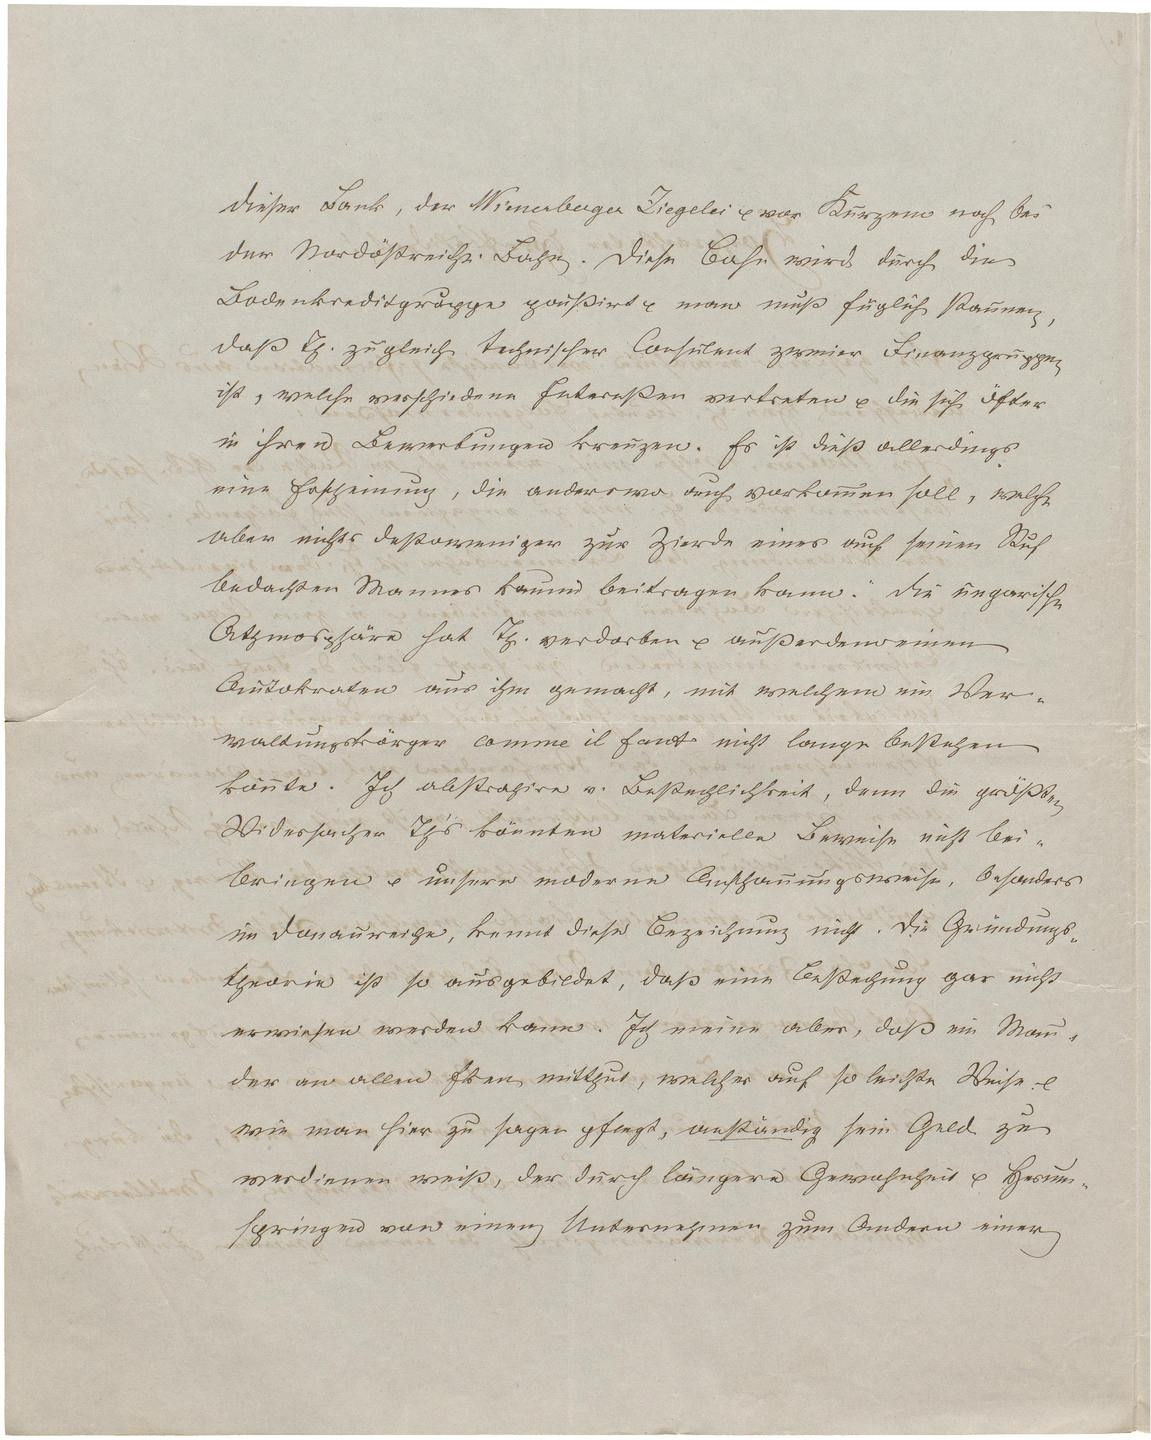dieser Bank, der Wienerberger Ziegelei & vor Kurzem noch bei
der Nordöstreichn. Bahn. Diese Bahn wird durch die
Bodenkreditgruppe poußirt & man muß füglich staunen,
daß Th. zugleich technischer Consulent zweier Finazgruppen
ist, welche verschiedene Intereßen vertreten & die sich öfter
in ihren Bewerbungen kreuzen. Es ist dieß allerdings
eine Erscheinung, die anderswo auch vorkommen soll, welche
aber nichts destoweniger zur Zierde eines auf seinen Ruf
bedachten Mannes kaum beitragen kann. Die ungarische
Athmosphäre hat Th. verdorben & außerdem einen
Autokraten aus ihm gemacht, mit welchem ein Ver-
waltungskörper comme il faut nicht lange bestehen
könnte. Ich abstrahire v. Bestechlichkeit, denn die größten
Widersacher Th's könnten materielle Beweise nicht bei-
bringen & unsere moderne Anschauungsweise, besonders
im Donaureiche, kennt diese Bezeichnung nicht. Die Gründungs-
theorie ist so ausgebildet, daß eine Bestechung gar nicht
erwiesen werden kann. Ich meine aber, da ein Mann,
der an allen Eken mitthut, welcher auf so leichte Weise &
wie man hier zu sagen pflegt, anständig sein Geld zu
verdienen weiß, der durch längere Gewohnheit & Herum-
springen von einem Unternehmen zum Andern einer